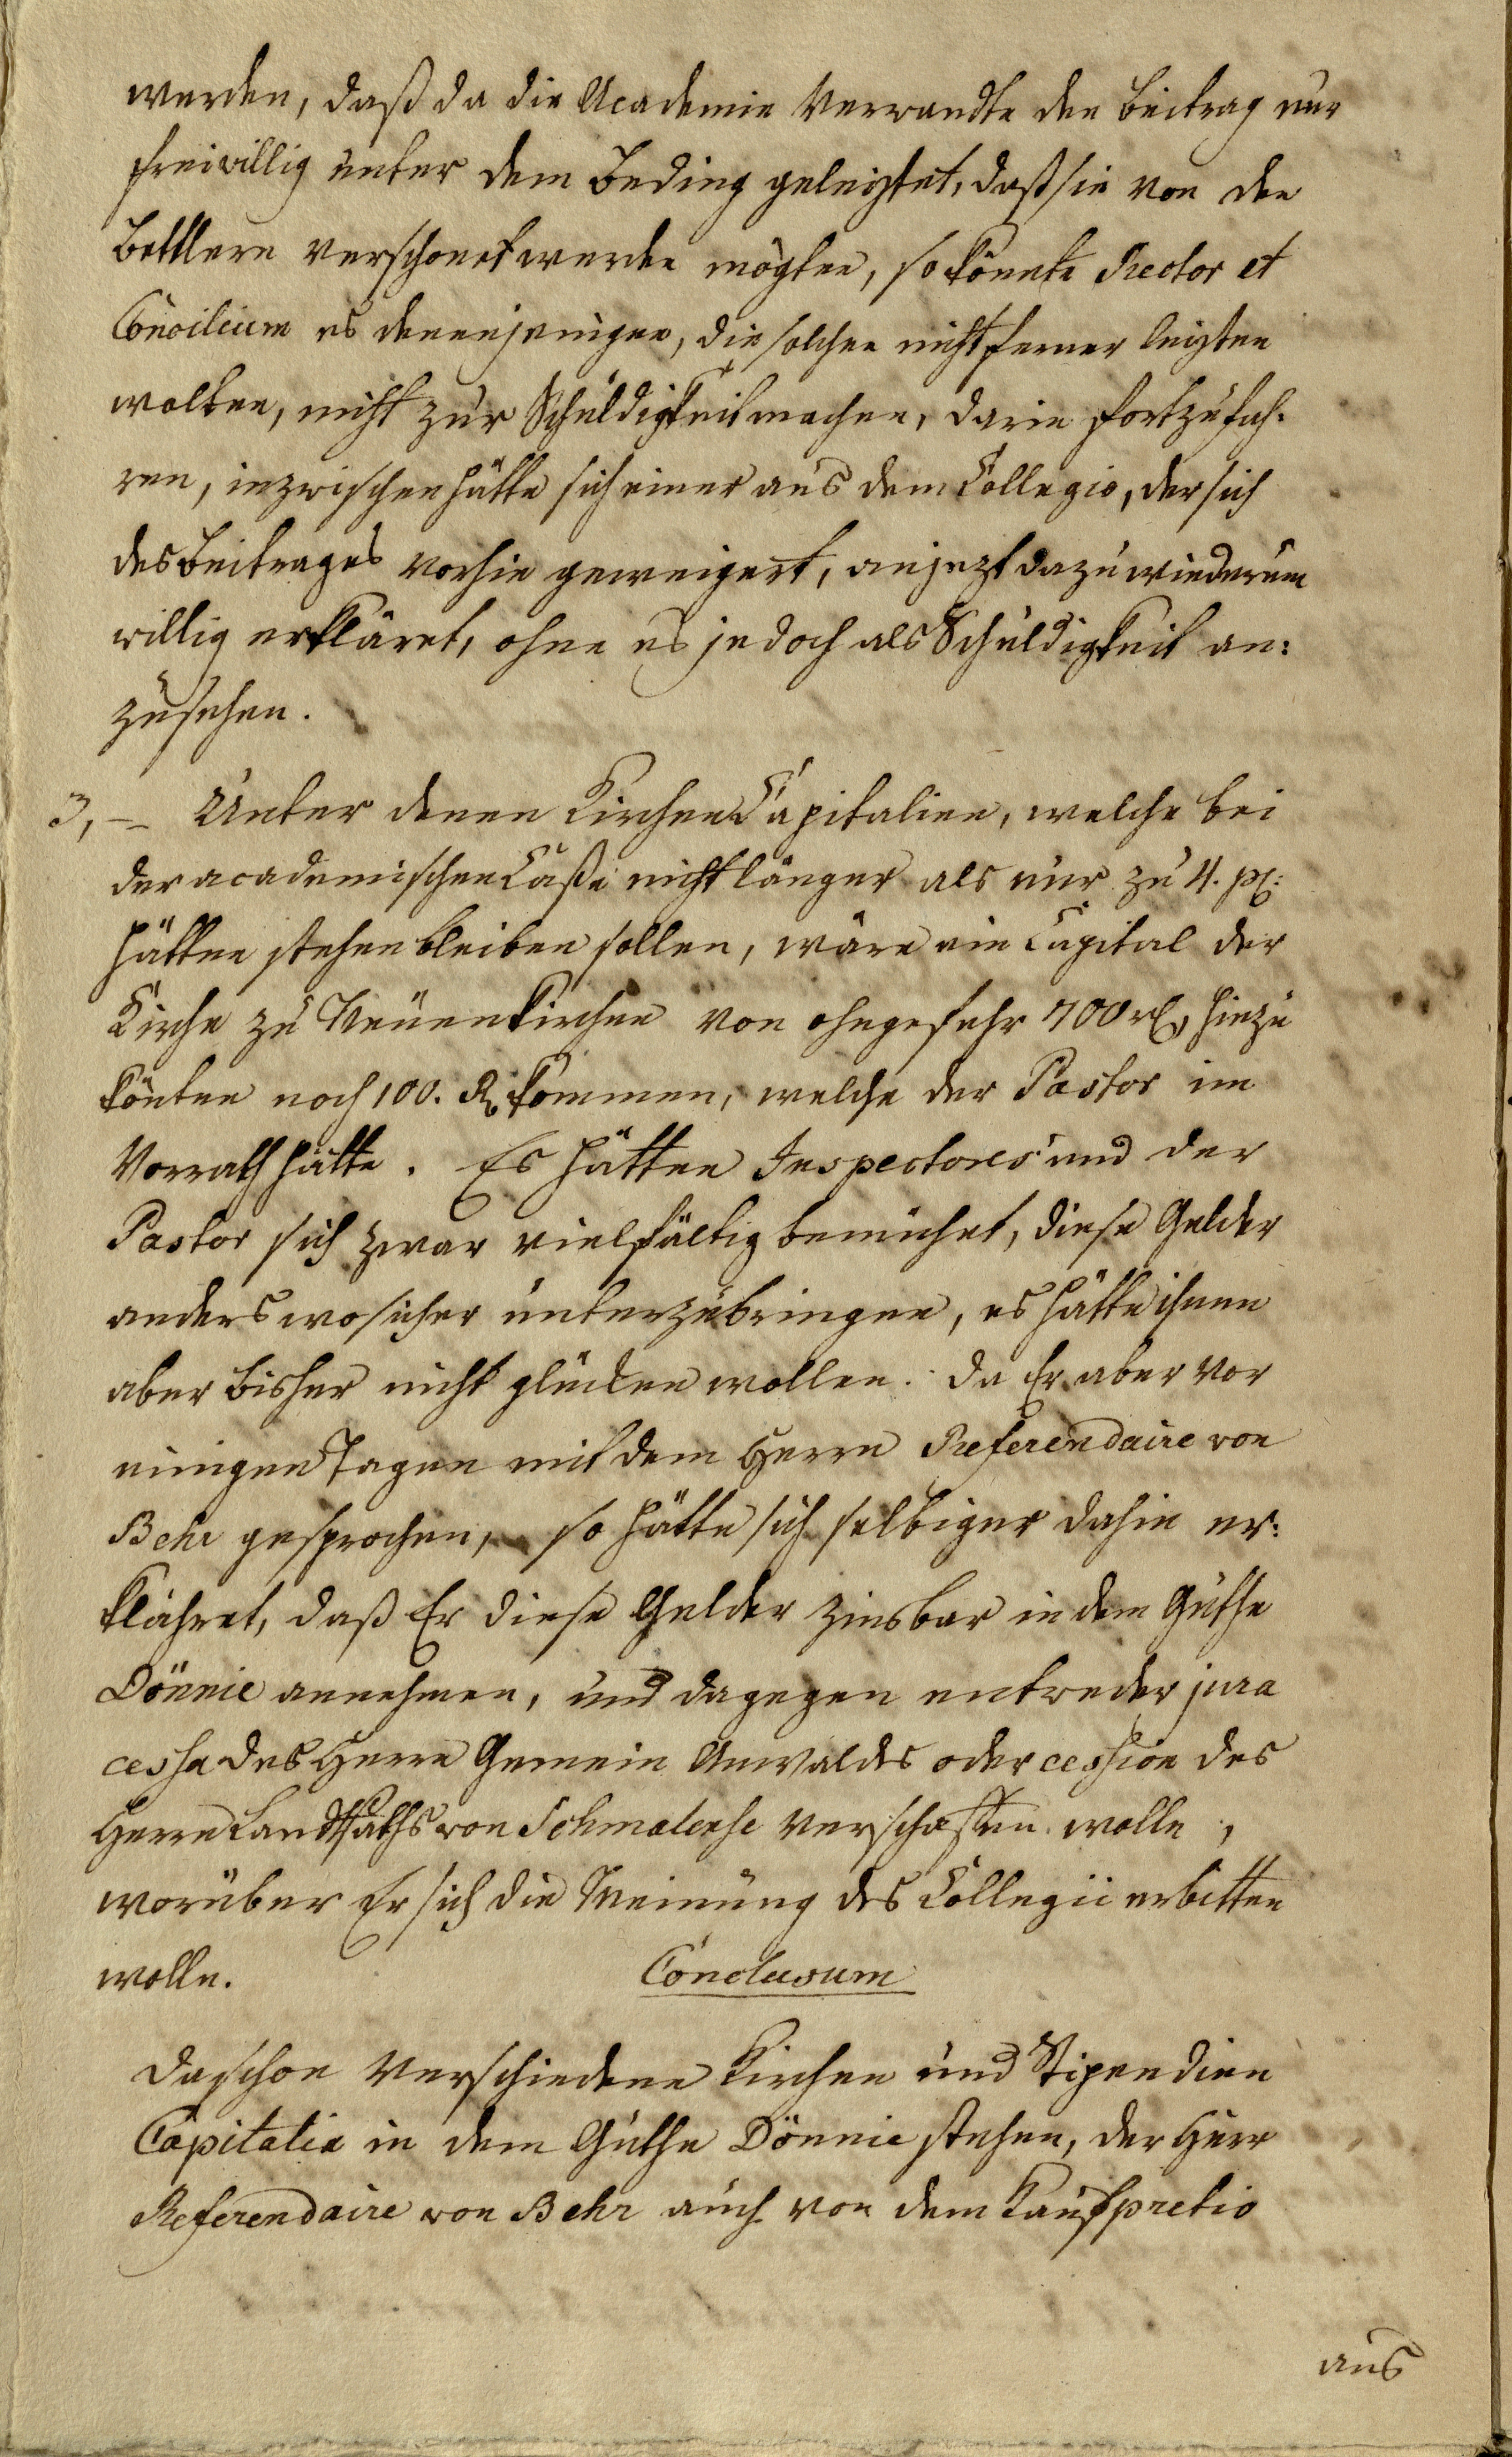werden, daß da die Academie Verwandte den Beitrag nur
freiwillig unter dem Beding geleistet, daß sie von den
Bettlern verschont werden mögten, so könnte Rector et
Concilium es denenjenigen, die solchen nicht ferner leisten
wollen, nicht zur Schuldigkeit machen, darin fortzufah¬
ren, inzwischen hätte sich einer aus dem Collegio, der sich
des Beitrages vorhin geweigert, anjezt dazu wiederum
willig erkläret, ohne es jedoch als Schuldigkeit an¬
zusehen.
3, Unter denen Kirchen Capitalien, welche bei
der academischen Caße nicht länger als nur zu 4. p.
hätten stehen bleiben sollen, wäre ein Capital der
Kirche zu Neuenkirchen von ohngefehr 700 rt, hiezu
könten noch 100. R. kommen, welche der Pastor im
Vorrath hätte. Es hätten Inspectores und der
Pastor sich zwar vielfältig bemühet, diese Gelder
anders wo sicher unterzubringen, es hätte ihnen
aber bisher nicht glücken wollen. Da Er aber vor
einigen Tagen mit dem Herrn Referendaire von
Behr gesprochen, so hätte sich selbiger dahin er¬
klähret, daß Er diese Gelder zinsbar in dem Guthe
Dönnie annehmen, und dagegen entweder jura
cessa des Herrn Gemein Anwaldes oder cession des
Herrn LandRaths von Schmalense verschaffen wolle,
worüber Er sich die Meinung des Collegii erbitten
wolle.
Conclusum
Daschon verschiedene Kirchen und Stipendien
Capitalia in dem Guthe Dönnie stehen, der Herr
Referendaire von Behr auch von dem Kaufpretio
aus